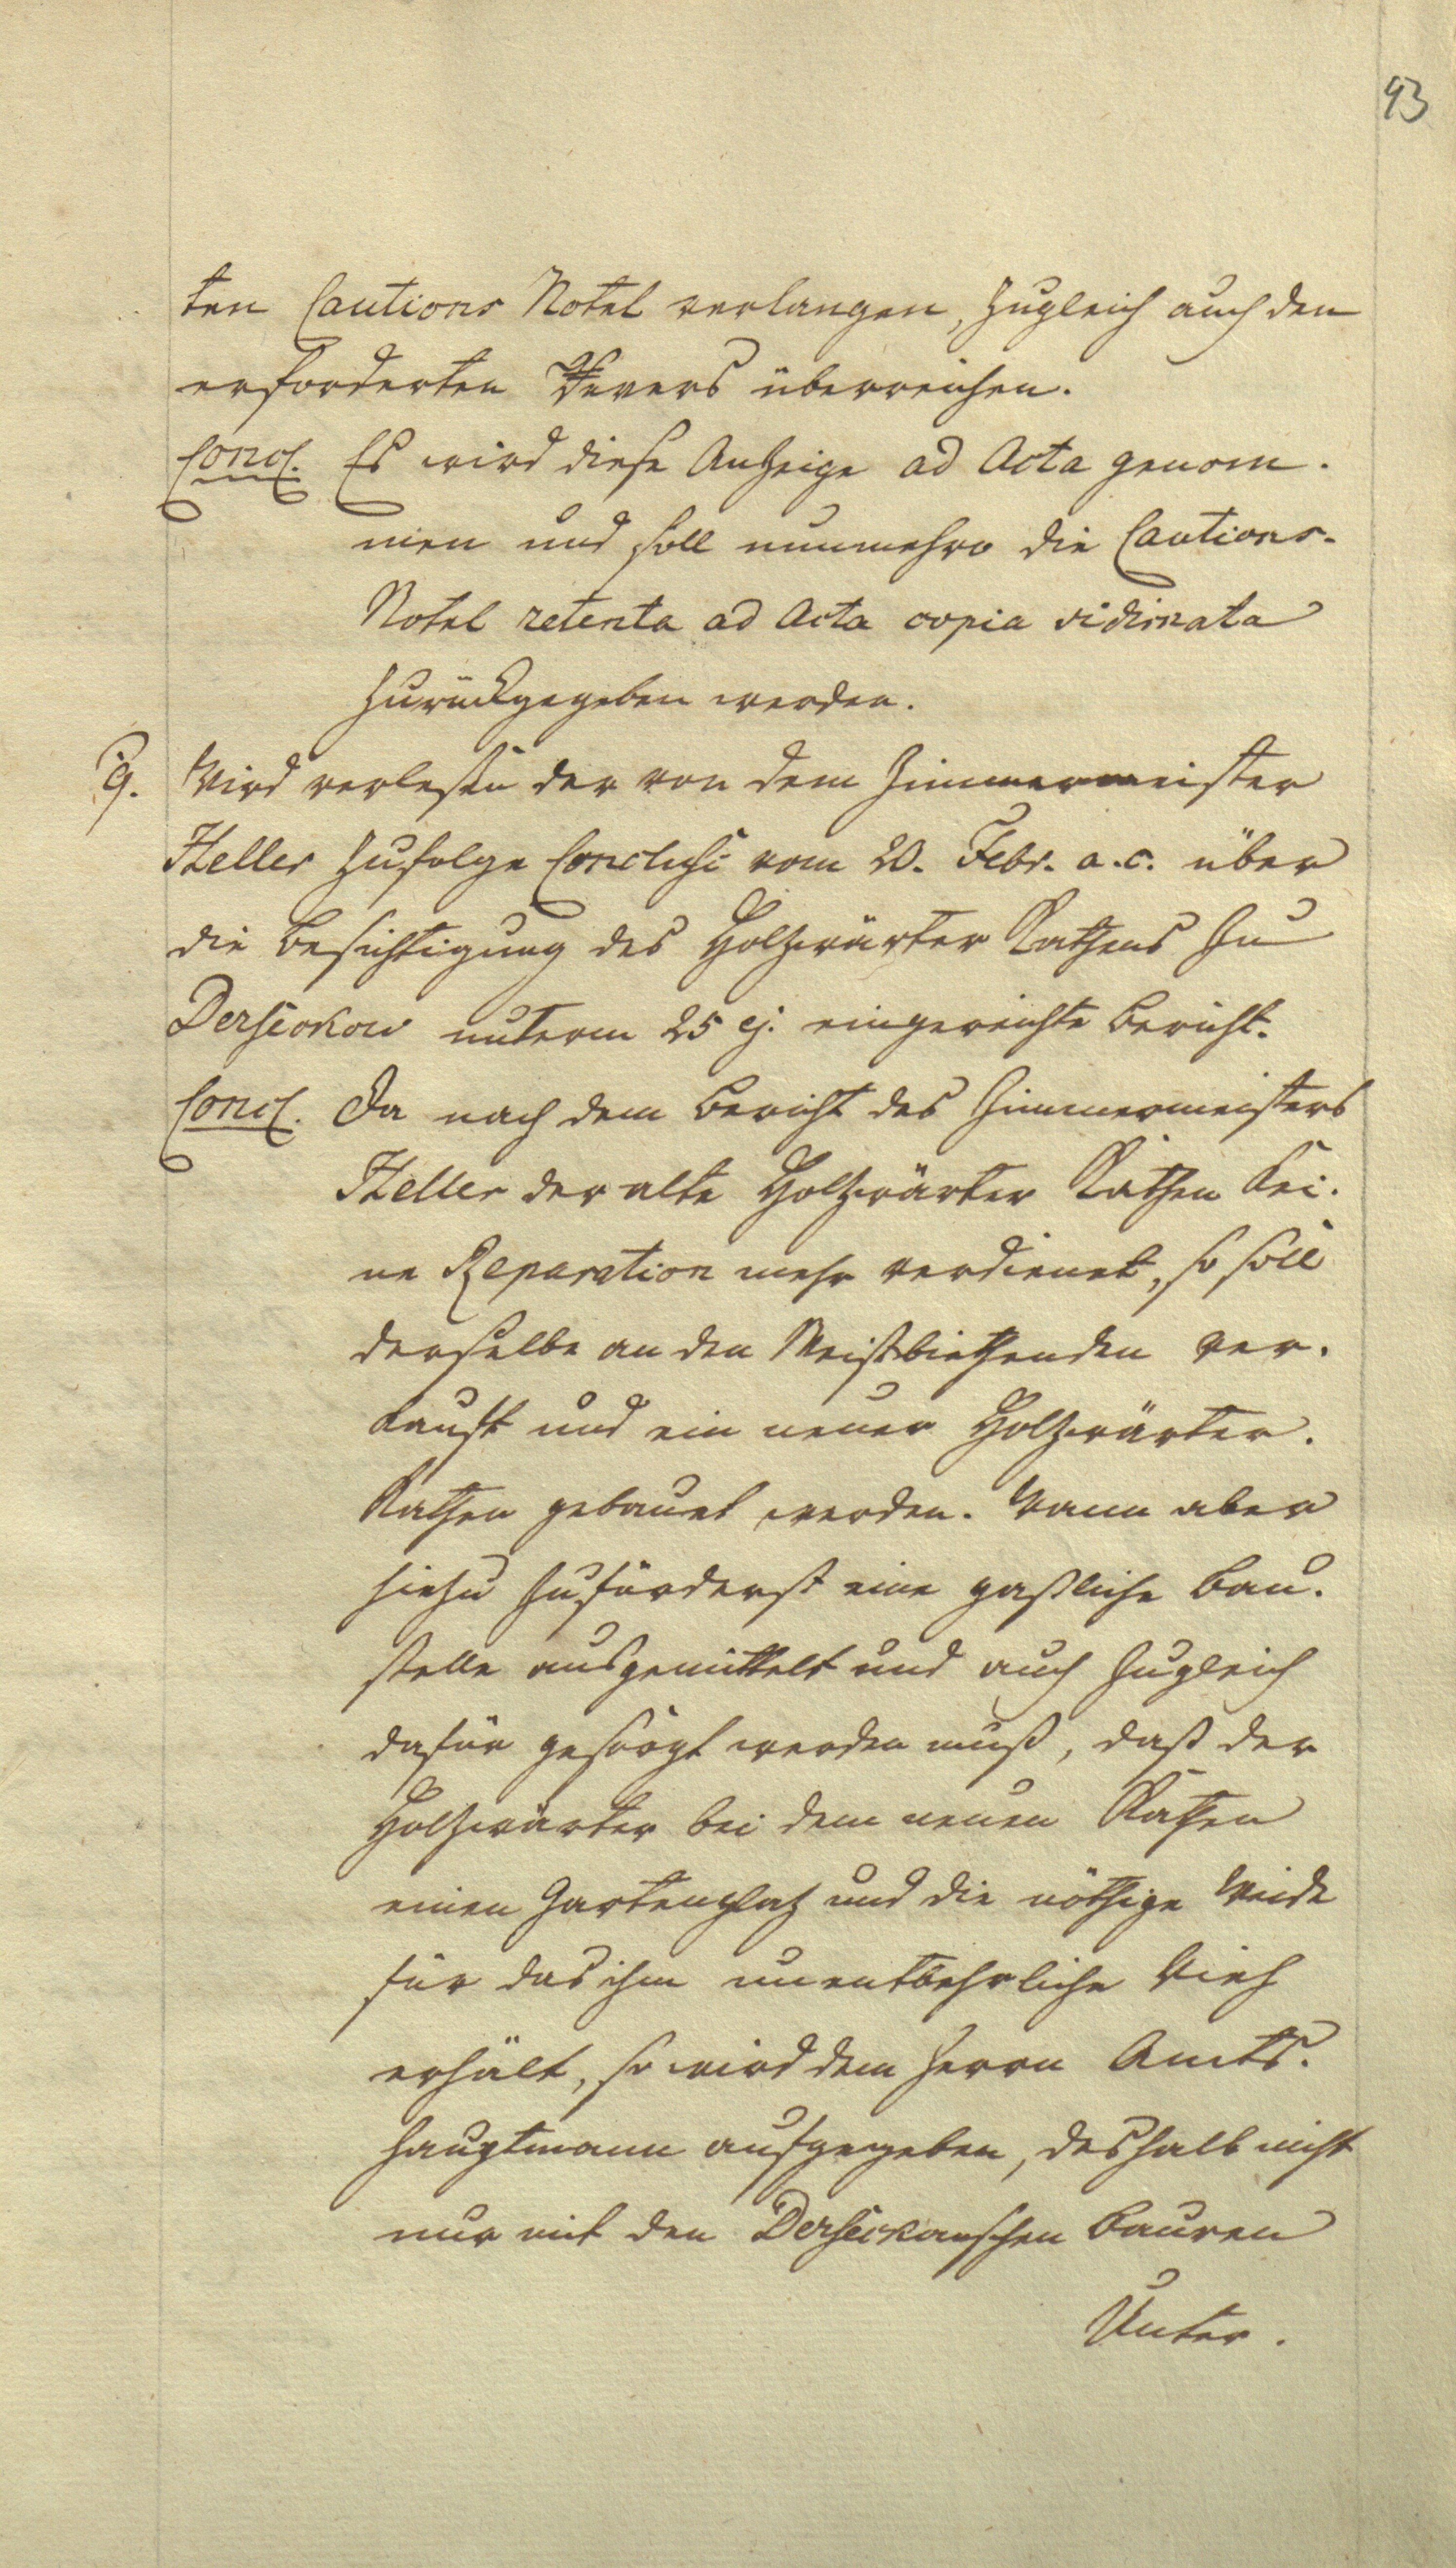ten Cautions Notel verlangen, zugleich auch den
erforderten Revers überreichen.
Concl. Es wird diese Anzeige ad Acta genom¬
men und soll nunmehro die Cautions¬
Notel retenta ad Acta copia vidimata
zurückgegeben werden.
9. Wird verlesen der von dem Zimmermeister
Heller zufolge Concluso vom 20. Febr. a. c. über
die Besichtigung des Holzwärter Kathens zu
Derseckow unterm 25 ej. eingereichte Bericht.
Concl. Da nach dem Bericht des Zimmermeisters
Heller der alte Holzwärter Kathen kei¬
ne Reparation mehr verdienet, so soll
derselbe an den Meistbiethenden ver¬
kauft und ein neuen Holzwärter¬
Kathen gebauet werden. Wann aber
hiezu zuförderst eine paßliche Bau¬
stelle ausgemittelt und auch zugleich
dafür gesorgt werden muß, daß der
Holzwärter bei dem neuen Kathen
einen Gartenplaz und die nöthige Weide
für das ihm unentbehrliche Vieh
erhält, so wird dem Herrn Amts¬
hauptmann aufgegeben, deshalb nicht
nur mit den Derseckowschen Bauren
Unter¬